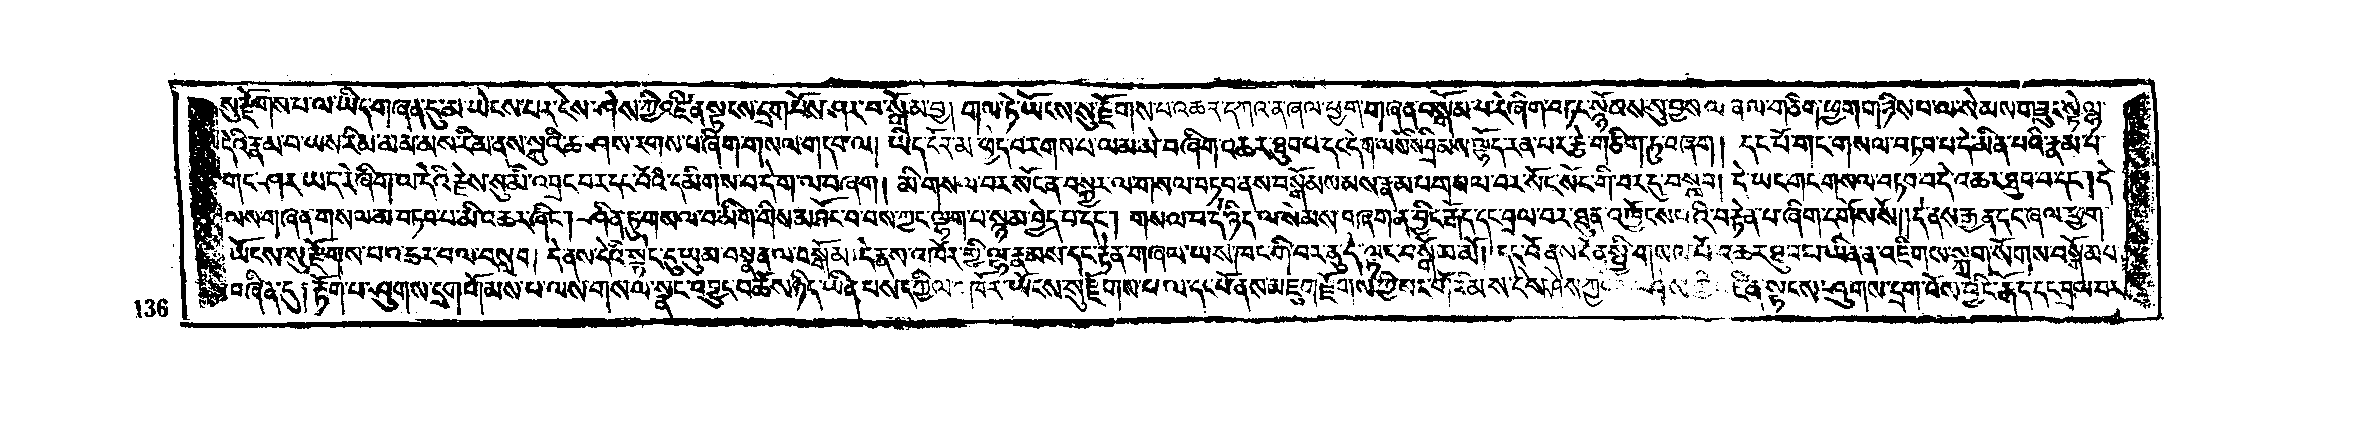སུ་རྫོགས་པ་ལ་ཡིད་གཞན་དུ་མ་ཡེངས་པར་ངེས་ཤེས་ཀྱི་འཛིན་སྟངས་དྲག་པོས་ཤར་པ་སྒོམ་བྱ། གལ་ཏེ་ཡོངས་སུ་རྫོགས་པ་འཆར་དཀའ་ན་ཞལ་ཕྱག་གཞན་བསྒོམ་པ་རེ་ཞིག་བཏང་སྙོམས་སུ་བྱས་ལ་ཞལ་གཅིག་ཕྱག་གཉིས་པ་ལ་སེམས་གཟུང་སྟེ་ལྷ་
དེའི་རྣམ་པ་ཡས་རིམ་མ་མ་མ་མས་རིམ་ནས་སྐུའི་ཆ་ཤས་རགས་པ་ཞིག་གསལ་གདབ་ལ། ཡིད་ངོར་མ་ཕྱེད་པ་རགས་པ་ལམ་མེ་བ་ཞིག་འཆར་ཐུབ་པ་དང་དེ་ག་ལས་ཁྲིམས?་ལྷོད་རན་པར་རྩེ་གཅིག་ཏུ་བཞག །དང་པོ་གང་གསལ་བཏབ་པ་དེ་མིན་པའི་རྣམ་པ་
གང་ཤར་ཡང་རེ་ཞིག་ལ་དེའི་རྗེས་སུ་མི་འབྲང་བར་དང་པོའི་དམིགས་པ་དེ་ག་ལ་བཞག །མི་གསལ་བར་སོང་ན་བསྐྱར་ལ་གསལ་བཏབ་ནས་བསྒོམས་པས་རྣམ་པ་གསལ་བར་སོང་སོང་གི་བར་དུ་བསླབ། དེ་ཡང་གང་གསལ་བཏབ་བདེ་འཆར་ཐུབ་པ་དང་། དེ་
ལས་གཞན་གསལ་མ་བཏབ་པ་མི་འཆར་ཞིང་། ཤིན་ཏུ་གསལ་བ་མིག་གིས་མཐོང་བ་བས་ཀྱང་ལྷག་པ་སྙམ་བྱེད་པ་དང་། གསལ་བ་དེ་ཉིད་ལ་སེམས་བཞག་ན་བྱིང་རྒོད་དང་བྲལ་བར་ཐུན་འཁྱོངས་པའི་བརྟེན་པ་ཞིག་དགོས་སོ། །དེ་ནས་རྒྱན་དང་ཞལ་ཕྱག་
ཡོངས་སུ་རྫོགས་པ་འཆར་བལ་བསླབ། དེ་ནས་དེའི་སྟེང་དུ་ཡུམ་བསྣན་ལ་བསྒོམ། དེ་ནས་འཁོར་གྱི་ལྷ་རྣམས་དང་རྟེན་གཞལ་ཡས་ཁང་གི་བར་ནུ་དེ་ལྟར་བསྒོམ་མོ། །དང་པོ་ནས་དོན་སྤྱི་གསལ་པོ་འཆར་ཐུབ་པ་ཡིན་ན་འཇིགས་སྐྲག་སོགས་བསྒོམ་པ་
བཞིན་དུ། རྟོག་པ་ཤུགས་དྲག་གོམས་པ་ལས་གསལ་སྣང་འབྱུང་བ་ཆོས་ཉིད་ཡིན་པས་དཀྱིལ་འཁོར་ཡོངས་སུ་རྫོགས་པ་ལ་དང་པོ་ནས་མཇུག་རྫོགས་ཀྱི་སར་གོ་རིམས་ངེས་ཤེས་ཀྱང་ས་ཤེས་ཀྱི་འཛིན་སྟངས་ཤུགས་དྲག་པོས་བྱིང་རྒོད་དང་བྲལ་བར་